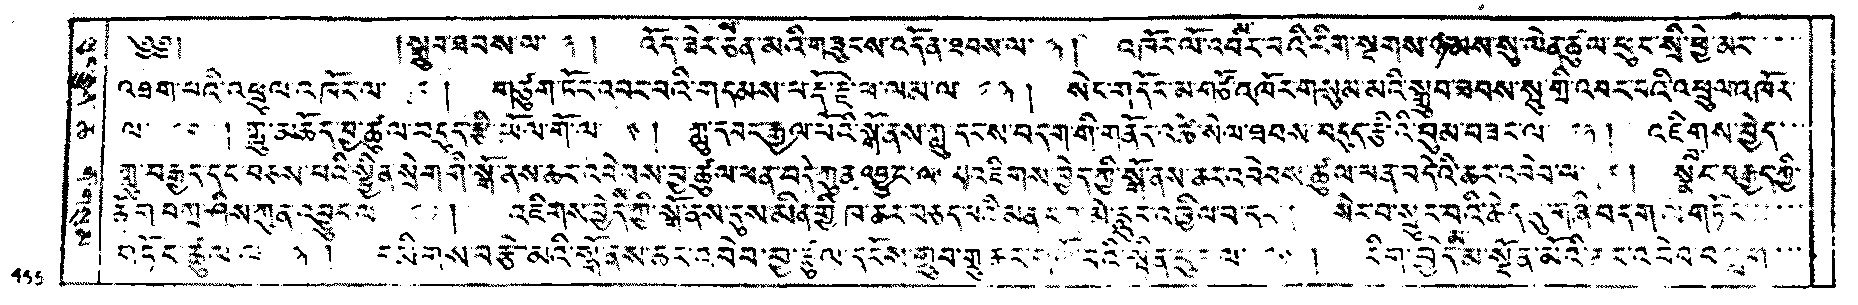༄༅། །སྒྲུབ་ཐབས་ལ ༢། འོད་ཟེར་ས་ཅན་མའི་གཟུངས་འདོན་ཐབས་ལ ༣། འཁོར་ལོ་འབར་མ་བའི་རིག་སྔགས་ཉམས་སུ་ལེན་ཚུལ་ཕུང་སྲི་ཕྱེ་མར་
འཐག་པའི་འཕྲུལ་འཁོར་ལ ༩། གཙུག་ཏོར་འབར་བའི་གདམས་པ་རྡོ་རྗེ་ཕ་ལམ་ལ ༡༣། སེང་གདོང་མ་གཙོ་འཁོར་གསུམ་མའི་སྒྲུབ་ཐབས་སྤུ་གྲི་འབར་བའི་འཕྲུལ་འཁོར་
ལ ༡༠། ཀླུ་མཆོད་བྱ་ཚུལ་བདུད་རྩི་ཡོལ་གོ་ལ ༤། ཀླུ་དབང་རྒྱལ་པོའི་སྒོ་ནས་ཀླུ་དང་ས་བདག་གི་གནོད་འཚེ་སེལ་ཐབས་བདུད་རྩིའི་བུམ་བཟང་ལ ༡༢། འཇིགས་བྱེད་
ཀླུ་བརྒྱད་དང་བཅས་པའི་སྦྱིན་སྲེག་གི་སྒོ་ནས་ཆར་འབེབས་བྱ་ཚུལ་ཕན་བདེ་ཀུན་འབྱུང་ལ ༨། འཇིགས་བྱེད་ཀྱི་སྒོ་ནས་ཆར་འབེབས་ཚུལ་ཕན་བདེའི་ཆར་འབེབ་ལ ༩། སྣང་མ་བརྒྱད་ཀྱི་
ཆོ་ག་བཀྲ་ཤིས་ཀུན་འབྱུང་ལ ༡༡། འཇིགས་བྱེད་ས་ཀྱི་སྒོ་ནས་དུས་མིན་གྱི་ཁ་ཆར་བཅད་པའི་མན་ངག་མེ་རླུང་འཁྱིལ་བ་དང་། སེར་བ་སྲུང་བའི་ཆེད་དུ་གཞི་བདག་ལ་གཏོར་མ་
གཏོང་ཚུལ་ལ ༣། དམིགས་བརྩེ་མའི་སྒོ་ནས་ཆར་འབེབ་བྱ་ཚུལ་དངོས་གྲུབ་གྲུ་ཆར་གཡོ་བའི་སྤྲིན་ཕུང་ལ ༡༤། རིག་བྱེད་མ་མ་སྔོན་མོའི་ཆར་འབེབ་བཀླག་